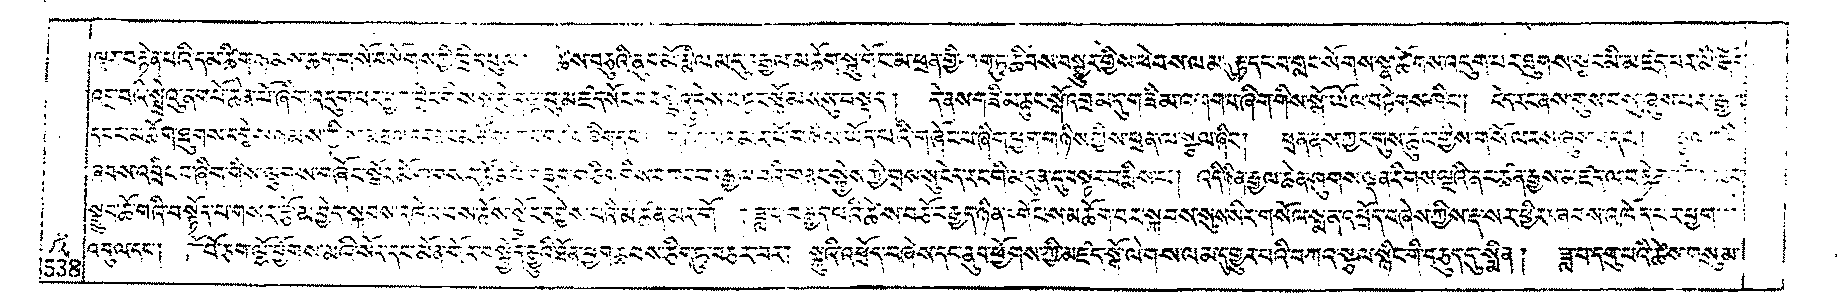ལྔར་བརྟེན་པའི་དམ་ཚིག་ཉམས་ཆག་གསོ་བ་སོགས་ཀྱི་ཁྲིད་ཕུལ། ཚེས་བཅུའི་ནུབ་མོ་རྨི་ལམ་དུ་༧རྒྱལ་མཆོག་སྐུ་གོང་མ་ཕྲན་གྱི་ཤག་ཏུ་ཆིབས་བསྒྱུར་གྱིས་ཕེབས་ལམ་དུ་རྟ་དང་བ་གླང་སོགས་སྣ་ཚོགས་འདུག་པར་ཐུགས་སྣང་མི་མཛད་པར་མི་རྒོད་
འདྲ་བའི་སྤྲེའུ་ནག་པོ་ཆེན་པོ་ཞིག་འདུག་པར་ཕྱག་ཕྲེང་གིས་སྐུ་རྩེད་ལྟ་བུ་མཛད་སོང་བར་སྤྲེའུ་དེས་བཏང་སྙོམས་སུ་བསྡད། དེ་ནས་གཟིམ་ཆུང་སྒོ་འགྲམ་དུ་གཟིམ་འགག་པ་ཞིག་གིས་སྒོ་ཡོལ་བཏེགས་ཤིང་། ངེད་རང་ནས་གུས་བསུ་ཞུས་པར་༧རྒྱལ་
དབང་མཆོག་ཐུགས་དགྱེས་ཉམས་ཀྱིས་མཇལ་དར་ནང་མཛོད་དཀར་གཙང་ཞིག་དང་། གཏོར་མ་དམར་པོ་གཉིས་ཡོད་པའི་གཞོང་པ་ཞིག་ཕྱག་གཉིས་ཀྱིས་ཕྲན་ལ་སྩལ་ཞིང་། ཕྲན་ནས་ཀྱང་གུས་ཚུལ་གྱིས་གསོལ་རས་ཞུས་པ་དང་། ༧རྒྱལ་བའི་
ཞབས་འབྲིང་བ་ཞིག་གིས་ལྕགས་གཞོང་སྒོར་མོ་ཤ་གསར་ཚོན་པོ་གཟུགས་གཅིག་གིས་བཀང་བ་༧རྒྱལ་བའི་གནང་སྐྱེས་ཀྱི་གྲས་སུ་ངེད་རང་གི་མདུན་དུ་བསྟར་བ་རྨིས་པ། འདི་ཉིན་རྒྱལ་ཆེན་ཤུགས་ལྡན་རིགས་ལྔའི་ནང་ཚན་རྒྱས་མཛད་ལ་བརྟེན་པའི་གཡང་
སྒྲུབ་ཆོ་གའི་བསྟོད་པ་གསར་རྩོམ་བྱེད་སྐབས་འཁེལ་བས་ཆོས་སྐྱོང་དགྱེས་པའི་མཚན་མར་གོ །ཟླ་བ་བརྒྱད་པའི་ཚེས་བཅོ་བརྒྱད་ཉིན་༧གོང་ས་མཆོག་བར་སྐབས་སུས་སིར་གསོལ་སྨན་འཕྲོད་བཞེས་ཀྱིས་རྡ་སར་ཕྱིར་༧ཞབས་འཁོད་པར་ཕྱག་
འབུལ་དང་། ཁོ་བོ་ཅག་ལྷོ་ཕྱོགས་མའི་སོར་དང་མོན་གོར་བསྐྱོད་རྒྱུའི་ཐོན་ཕྱག་ཆབས་ཅིག་ཏུ་བཅར་བར། སྐུའི་འཕྲོད་བཞེས་དང་ནུབ་ཕྱོགས་ཀྱི་མཛད་སྒོ་ལེགས་ལམ་དུ་གྱུར་པའི་བཀའ་སྩལ་སྙིང་གི་བཅུད་དུ་སྨིན། ཟླ་བ་དགུ་པའི་ཚེས་གསུམ་